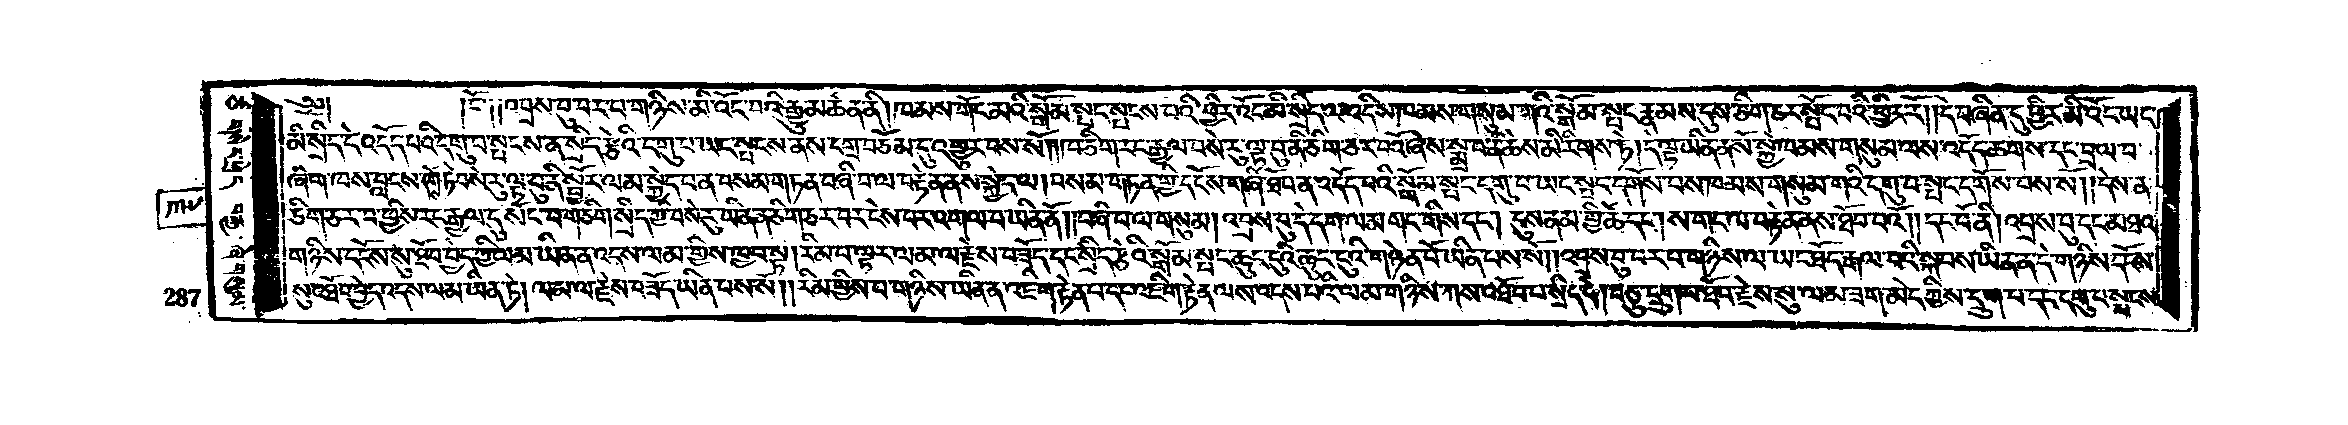༄༅། །ངོ། །འབྲས་བུ་བར་པ་གཉིས་མི་འོང་བའི་རྒྱུ་མཚན་ནི། ཁམས་གོང་མའི་སྒོམ་སྤང་སྤངས་པའི་ཕྱིར་འོང་མི་སྲིད་ལ་འདིས་ཁམས་གསུམ་གའི་སྒོམ་སྤང་རྣམས་དུས་ཅིག་ཅར་སྤོང་བའི་ཕྱིར་རོ། །དེ་བཞིན་དུ་ཕྱིར་མི་འོང་ཡང་
མི་སྲིད་དེ་འདོད་པའི་དགུ་པ་སྤངས་ན་སྲིད་རྩེའི་དགུ་པ་ཡང་སྤངས་ནས་དགྲ་བཅོམ་དུ་འགྱུར་བས་སོ། །ཁ་ཅིག་རང་རྒྱལ་བསེ་རུ་ལྟ་བུ་ནི་ཅིག་ཅར་བའོ་ཞེས་སྨྲ་བ་ནི་ཆེས་མི་རིགས་ཏེ། དེ་ལྟ་ཡིན་ན་སོ་སྐྱེ་ཁམས་གསུམ་ལས་འདོད་ཆགས་དང་བྲལ་བ་
ཞིག་ཁས་བླངས་དགོས་ཏེ་བསེ་རུ་ལྟ་བུ་ནི་སྦྱོར་ལམ་སྐྱེད་པ་ན་བསམ་གཏན་བཞི་པ་ལ་བརྟེན་ནས་སྐྱེད་ལ། བསམ་གཏན་གྱི་དངོས་གཞི་ཐོབ་ན་འདོད་པའི་སྒོམ་སྤང་དགུ་བ་ཡང་སྤང་དགོས་པས་ཁམས་གསུམ་གའི་དགུ་པ་སྤང་དགོས་པས་སོ། །དེས་ན་
ཅིག་ཅར་བ་ཕྱིས་རང་རྒྱལ་དུ་སོང་བ་གཅིག་སྲིད་ཀྱི་བསེ་རུ་ཡིན་ན་ཅིག་ཅར་བར་ངེས་པར་འགལ་བ་ཡིན་ནོ། །བཞི་པ་ལ་གསུམ། འབྲས་བུ་དེ་དག་ལམ་གང་གིས་དང་། དུས་ནམ་གྱི་ཚེ་དང་། ས་གང་ལ་བརྟེན་ནས་ཐོབ་པའོ། །དང་པོ་ནི། འབྲས་བུ་དང་མཐའ་
གཉིས་དངོས་སུ་ཐོབ་བྱེད་ཀྱི་ལམ་ཡིན་ན་འདས་ལམ་གྱིས་ཁྱབ་སྟེ། རིམ་པ་ལྟར་ལམ་ལ་རྗེས་བཟོད་དང་སྲིད་རྩེའི་སྒོམ་སྤང་ཆུང་ངུའི་ཆུང་ངུའི་གཉེན་པོ་ཡིན་པས་སོ། །འབྲས་བུ་བར་པ་གཉིས་ལ་ཡང་ཐོད་རྒལ་བའི་སྐབས་ཡིན་ན་དེ་གཉིས་དངོས་
སུ་འཐོབ་བྱེད་འདས་ལམ་ཡིན་ཏེ། ལམ་ལ་རྗེས་བཟོད་ཡིན་པས་སོ། །རིམ་གྱིས་པ་གཉིས་ཡིན་ན་འཇིག་རྟེན་པ་དང་འཇིག་རྟེན་ལས་འདས་པའི་ལམ་གཉིས་ཀས་འཐོབ་པ་སྲིད་དེ། བཅུ་དྲུག་པ་ཐོབ་རྗེས་སུ་ལམ་ཟག་མེད་ཀྱིས་དྲུག་པ་དང་དགུ་པ་སྤངས་